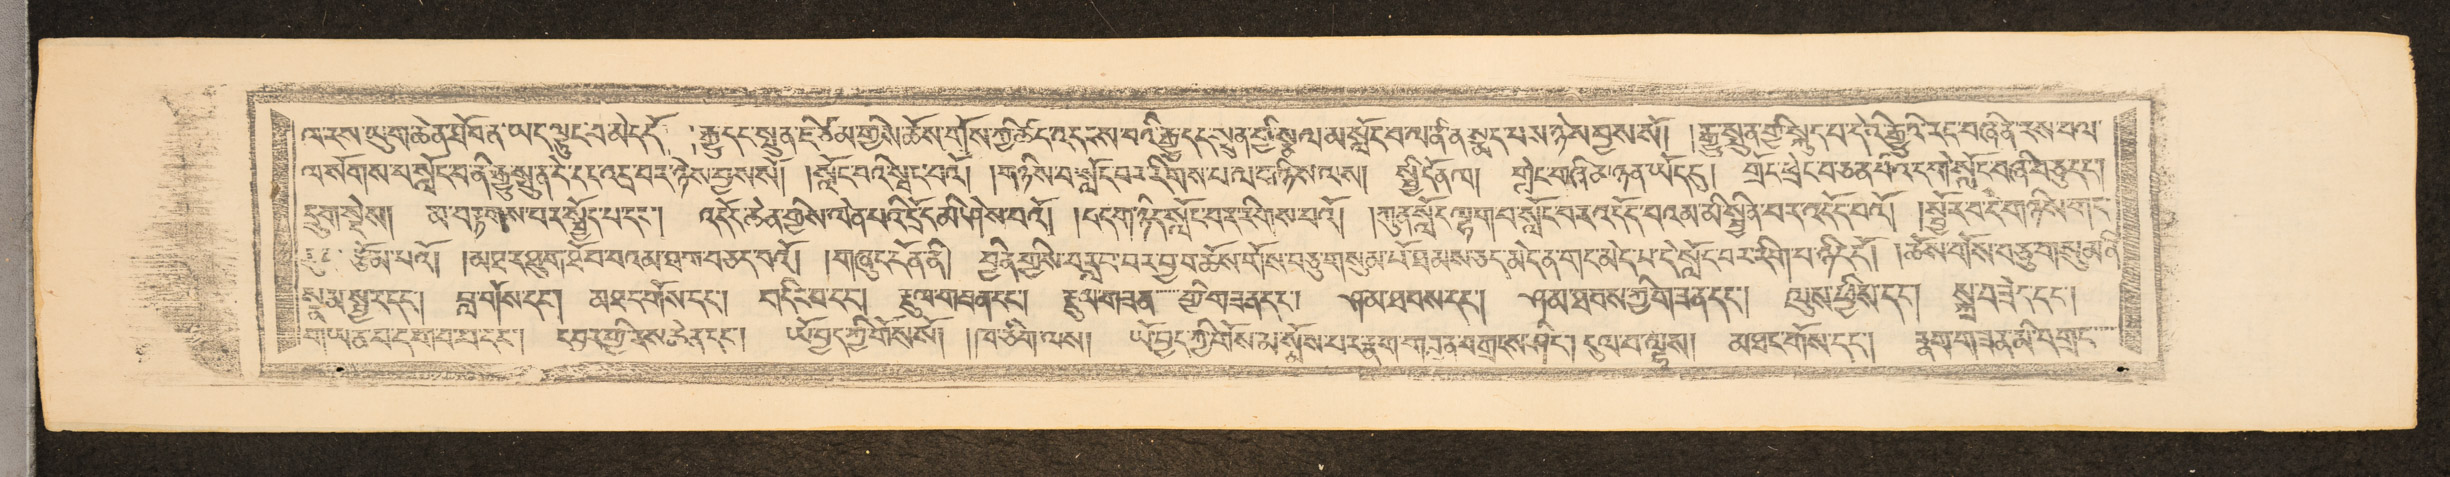ལ་རས་ཡུག་ཆེན་ཐོབ་ན་ཡང་ལྟུང་བ་མེད་དོ། །རྒྱུ་དང་སྤུན་ཇི་ཙམ་གྱིས་ཆོས་གོས་ཀྱི་ཚད་འདངས་པའི་རྒྱུ་དང་སྤུན་གྱི་སྣལ་མ་སློང་བ་ལན་ནི་སྨད་པས་ཉེས་བྱས་སོ། །རྒྱུ་སྤུན་གྱི་སྐུད་པ་དེའི་རྒྱུའི་རང་བཞིན་རས་བལ་
ལ་སོགས་པ་སློང་བ་ནི་རྒྱུ་སྤུན་དེ་དང་འདྲ་བར་ཉེས་བྱས་སོ། །སློང་བའི་སྦང་པའོ། །གཉིས་པ་སློབ་བར་རིགས་པ་ལ་གཉིས་ལས། སྦྱི་དོན་ལ། གླེང་གཞི་མཉན་ཡོད་དུ། གྲོང་ཕྲེང་བ་ཅན་པའི་དགེ་སློང་བཞི་བཅུ་དང་།
དྲུག་སྡེས། མ་བརྟགས་པར་སྤྱོད་པ་དང་། འདོད་ཆེན་གྱིས་ལེན་པའི་དྲོད་མི་ཤེས་པའོ། །བདག་ཉིད་སློང་བར་རིགས་པའོ། །ཀུན་སློང་ལྷག་པ་སློང་བར་འདོད་བའམ་མི་སྦྱིན་པར་འདོད་པའོ། །སྦྱོར་བ་དེ་གཉིས་གང་
རུང་རྩོམ་པའོ། །མཐར་ཐུག་ཐོབ་པའམ་ཐག་བཅད་པའོ། །གཞུང་དོན་ནི། བྱིན་གྱིས་བརླབ་པར་བྱ་བ་ཆོས་གོས་བཅུ་གསུམ་པོ་ཐམས་ཅད་མེད་ན་གང་མེད་པ་དེ་སློང་བར་རིག་པ་ཉིད་དོ། །ཆོས་གོས་བཅུ་གསུམ་ནི་
སྣམ་སྦྱར་དང་། བླ་གོས་དང་། མཐང་གོས་དང་། གདིང་བ་དང་། རྡུལ་གཟན་དང་། རྡུལ་གཟན་གྱི་གཟན་དང་། ཤམ་ཐབས་དང་། ཤམ་ཐབས་ཀྱི་གཟན་དང་། ལུས་ཕྱིས་དང་། སྐྲ་བཟེད་དང་།
གཡན་པ་དགབ་པ་དང་། དབྱར་གྱི་རས་ཆེན་དང་། ཡོ་བྱད་ཀྱི་གོས་སོ། །ཁ་ཅིག་ལས། ཡོ་བྱད་ཀྱི་གོས་མ་སྨོས་བར་རང་གཟན་བགྲངས་ཤིང་། དུལ་བ་ལྷས། མཐང་གོས་དང་། རྣག་གཟན་མི་བགྲང་